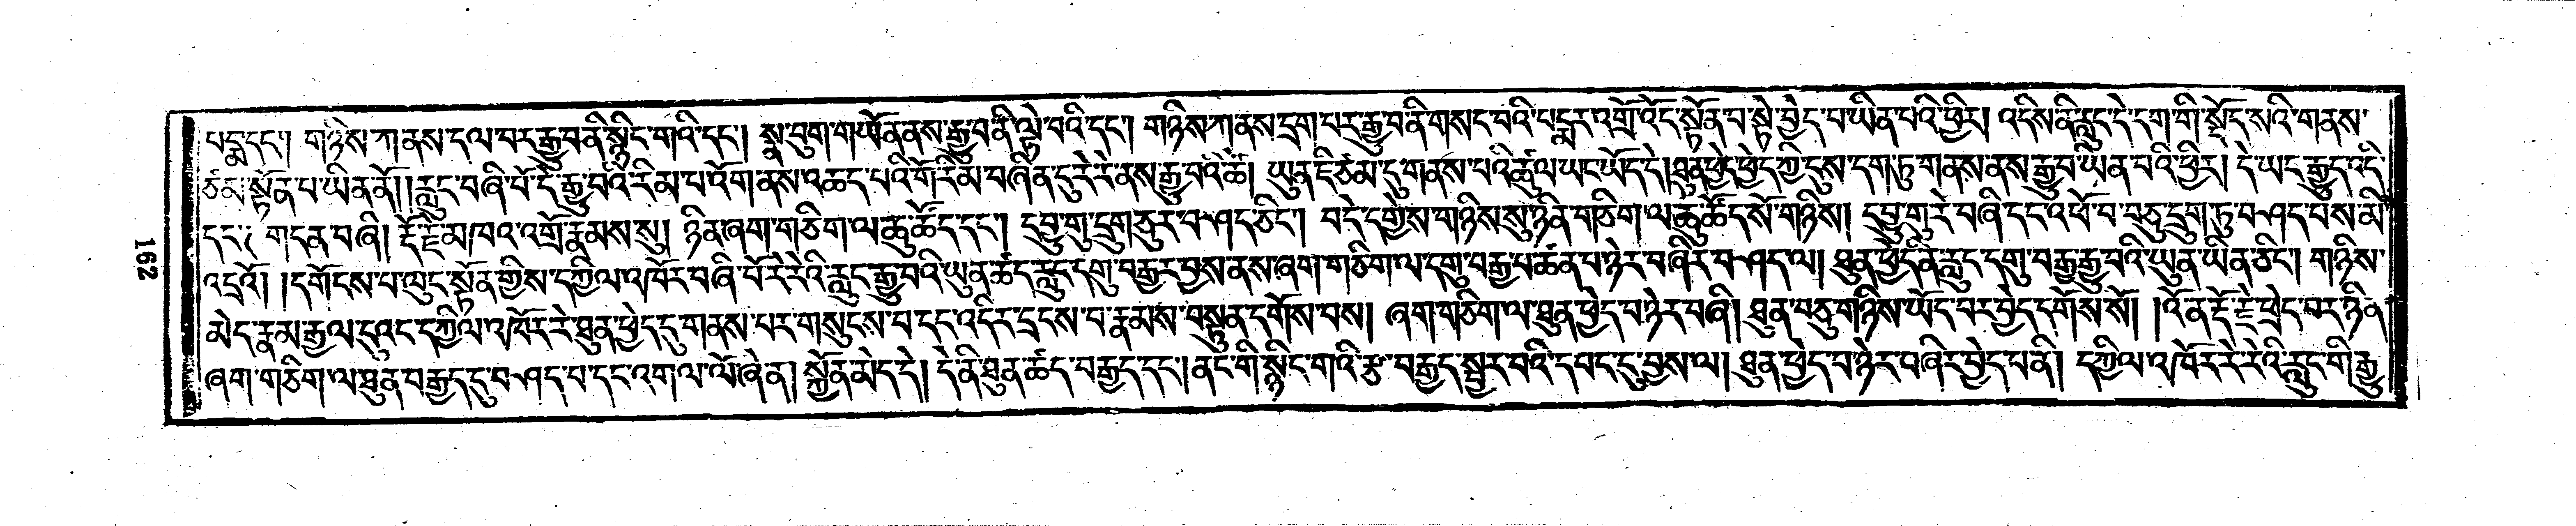པདམ་དང་། གཉིས་ཀ་ནས་དལ་བར་རྒྱུ་བ་ནི་སྙིང་གའི་དང་། སྣ་བུག་གཡོན་ནས་རྒྱུ་བ་ནི་ལྟེ་བའི་དང་། གཉིས་ཀ་ནས་དྲག་པར་རྒྱུ་བ་ནི་གསང་བའི་པདམར་འགྲོ་འོང་སྟོན་པ་སྟེ་བྱེད་པ་ཡིན་པའི་ཕྱིར། འདིས་ནི་རླུང་དེ་དག་གི་སྡོད་སའི་གནས་
ཙམ་སྟོན་པ་ཡིན་ནོ། །རླུང་བཞི་པོ་དེ་རྒྱུ་བའི་རིམ་པ་འོག་ནས་འཆད་པའི་གོ་རིམ་བཞིན་དུ་རེ་རེ་ནས་རྒྱུ་བའི་ཚེ། ཡུན་ཇི་ཙམ་དུ་གནས་པའི་ཚུལ་ཡང་ཡོད་དེ། ཐུན་ཕྱེད་ཕྱེད་ཀྱི་དུས་དག་ཏུ་གནས་ནས་རྒྱུ་བ་ཡིན་པའི་ཕྱིར། དེ་ཡང་རྒྱུད་འདི་
དང༑ གདན་བཞི། རྡོ་རྗེ་མཁའ་འགྲོ་རྣམས་སུ། ཉིན་ཞག་གཅིག་ལ་ཆུ་ཚོད་དང་། དབྱུ་གུ་དྲུག་ཅུར་བཤད་ཅིང་། བདེ་དགྱེས་གཉིས་སུ་ཉིན་གཅིག་ལ་ཆུ་ཚོད་སོ་གཉིས། དབྱུ་གུ་རེ་བཞི་དང་འཕོ་བ་བཅུ་དྲུག་ཏུ་བཤད་པས་མི་
འདྲའོ། །དགོངས་པ་ལུང་སྟོན་གྱིས་དཀྱིལ་འཁོར་བཞི་པོ་རེ་རེའི་རླུང་རྒྱུ་བའི་ཡུན་ཚད་རླུང་དགུ་བརྒྱར་བྱས་ནས་ཞག་གཅིག་ལ་དགུ་བརྒྱ་པ་ཚན་པ་ཉེར་བཞིར་བཤད་ལ། ཐུན་ཕྱེད་ནི་རླུང་དགུ་བརྒྱ་རྒྱུ་བའི་ཡུན་ཡིན་ཅིང་། གཉིས་
མེད་རྣམ་རྒྱལ་དུའང་དཀྱིལ་འཁོར་རེ་ཐུན་ཕྱེད་དུ་གནས་པར་གསུངས་པ་དང་འདིར་དྲངས་པ་རྣམས་བསྟུན་དགོས་པས། ཞག་གཅིག་ལ་ཐུན་ཕྱེད་པ་ཉེར་བཞི། ཐུན་བཅུ་གཉིས་ཡོད་པར་བྱེད་དགོས་སོ། །འོ་ན་རྡོ་རྗེ་ཕྲེང་བར་ཉིན་
ཞག་གཅིག་ལ་ཐུན་བརྒྱད་དུ་བཤད་པ་དང་འགལ་ལོ་ཞེ་ན། སྐྱོན་མེད་དེ། དེ་ནི་ཐུན་ཚད་བརྒྱད་དང་། ནང་གི་སྙིང་གའི་རྩ་བརྒྱད་སྦྱར་བའི་དབང་དུ་བྱས་ལ། ཐུན་ཕྱེད་པ་ཉེར་བཞིར་བྱེད་པ་ནི། དཀྱིལ་འཁོར་རེ་རེའི་རླུང་གི་རྒྱུ་